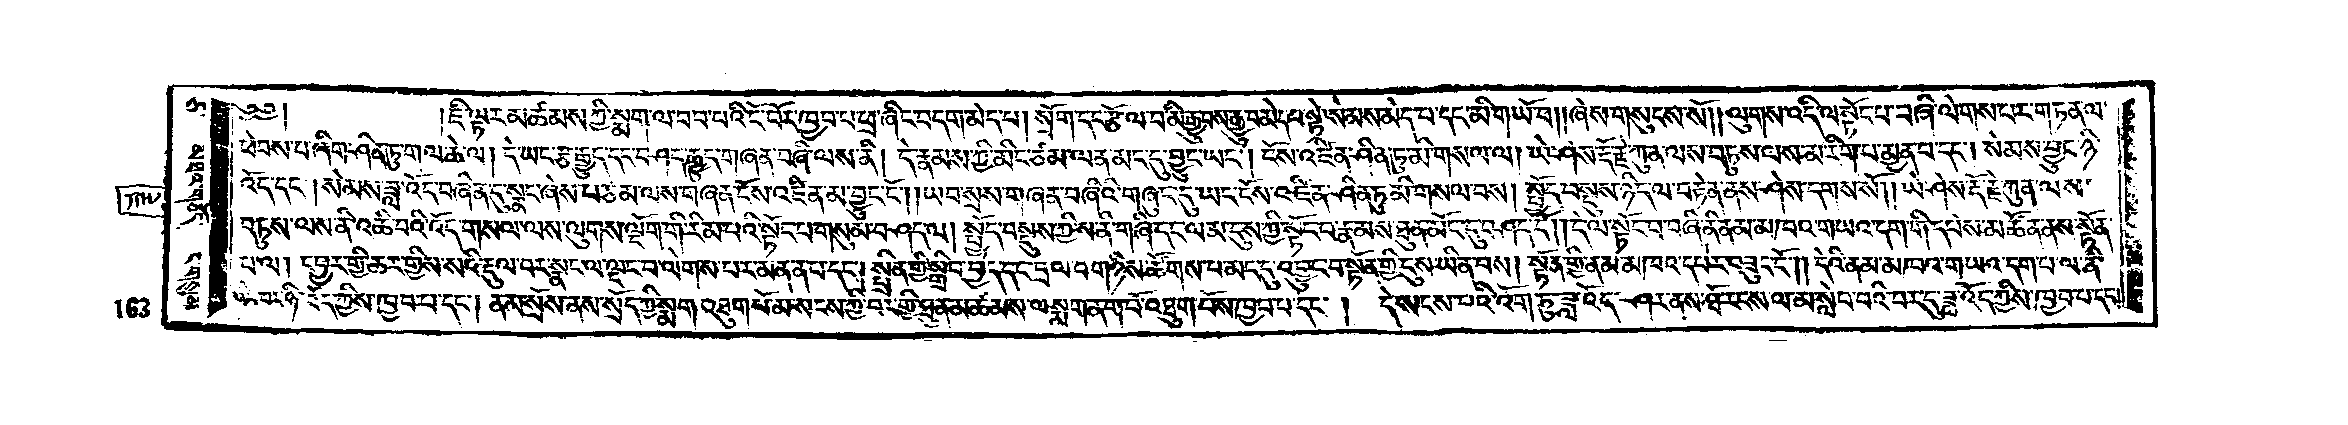༄༅། །ཇི་ལྟར་མཚམས་ཀྱི་སྨག་ལ་བབ་པའི་ངོ་བོར་ཁྱབ་པ་ཕྲ་ཞིང་བདག་མེད་པ། སྲོག་དང་རྩོལ་བ་མི་རྒྱུ་བས་རྒྱུ་བ་མེད་པ་སྟེ། སེམས་མེད་པ་དང་མི་གཡོ་བ། །ཞེས་གསུངས་སོ། །ལུགས་འདི་ལ་སྟོང་པ་བཞི་ལེགས་པར་གཏན་ལ་
ཕེབས་པ་ཞིག་ཤིན་ཏུ་གལ་ཆེ་ལ། དེ་ཡང་རྩ་རྒྱུད་དང་བཤད་རྒྱུད་གཞན་བཞི་ལས་ནི། དེ་རྣམས་ཀྱི་མིང་ཙམ་ལན་མང་དུ་བྱུང་ཡང་། ངོས་འཛིན་ཤིན་ཏུ་མི་གསལ་ལ། ཡེ་ཤེས་རྡོ་རྗེ་ཀུན་ལས་བཏུས་ལས་མ་རིག་པ་མུན་པ་དང་། སེམས་བྱུང་ཉི་
འོད་དང་། སེམས་ཟླ་འོད་བཞིན་དུ་སྣང་ཞེས་པ་ཙམ་ལས་གཞན་ངོས་འཛིན་མ་བྱུང་ངོ། །ཡབ་སྲས་གཞན་བཞིའི་གཞུང་དུ་ཡང་ངོས་འཛིན་ཤིན་ཏུ་མི་གསལ་བས། སྤྱོད་བསྡུས་ཉིད་ལ་བརྟེན་ནས་ཤེས་དགས་སོ། །ཡེ་ཤེས་རྡོ་རྗེ་ཀུན་ལས་
བཏུས་ལས་ནི་འཆི་བའི་འོད་གསལ་ལས་ལུགས་ལྡོག་གི་རིམ་པའི་སྟོང་པ་གསུམ་བཤད་ལ། སྤྱོད་བསྡུས་ཀྱི་ས་ནི་གཞི་དང་ལམ་དུས་ཀྱི་སྟོང་པ་རྣམས་ཐུན་མོང་དུ་བཤད་དོ། །དེ་ལ་སྟོང་པ་བཞི་ནི་ནམ་མཁའ་གཡའ་དག་གི་དཔེས་མཚོན་ནས་སྟོན་
པ་ལ། དབྱར་གྱི་ཆར་གྱིས་སའི་རྡུལ་བར་སྣང་ལ་ལྡང་བ་ལེགས་པར་མན་ན་པ་དང་། སྤྲིན་གྱི་སྒྲིབ་བྱེད་དང་བྲལ་བ་གཉིས་ཚོགས་པ་མང་དུ་འབྱུང་བ་སྟོན་གྱི་དུས་ཡིན་པས། སྟོན་གྱི་ནམ་མཁའ་དཔེར་བཟུང་ངོ། །དེའི་ནམ་མཁའ་གཡའ་དག་པ་ལ་ནི་
ཉིན་པར་ཉི་འོད་ཀྱིས་ཁྱབ་པ་དང་། ནམ་སྲོས་ནས་སྲོད་ཀྱི་སྨག་འཐུག་པོ་མ་སངས་ཀྱི་བར་གྱི་ཐུན་མཚམས་ལ་སྨག་ནག་པོ་འཐུག་པོས་ཁྱབ་པ་དང་། དེ་སངས་པའི་འོག་ཏུ་ཟླ་འོད་ཤར་ནས་ཐོ་རངས་ལ་མ་སླེབ་པའི་བར་དུ་ཟླ་འོད་ཀྱིས་ཁྱབ་པ་དང་།